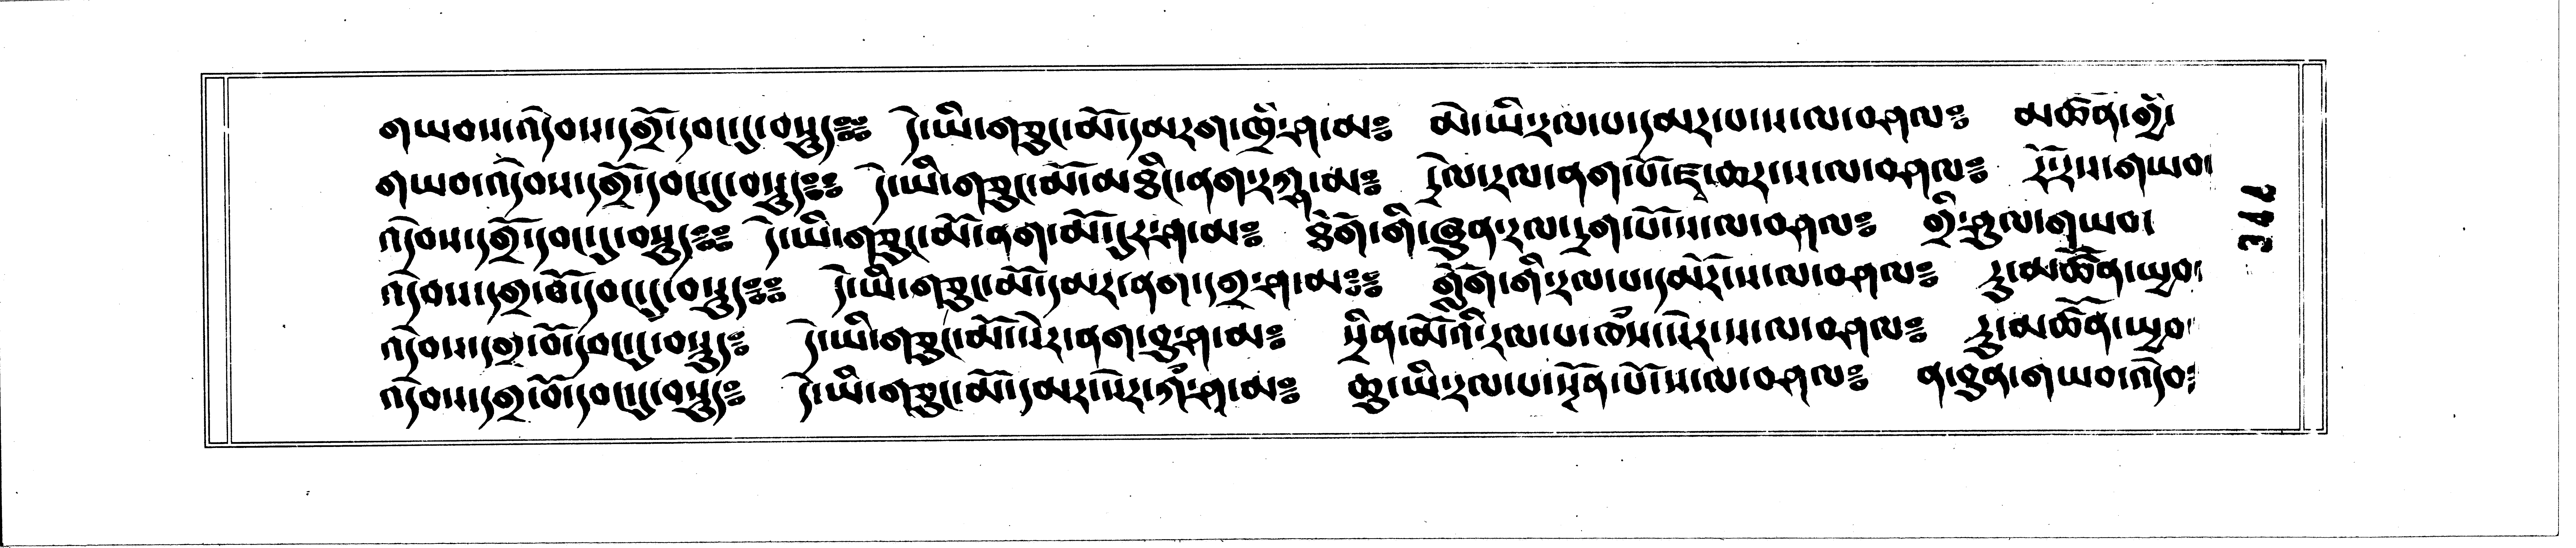གཡབས་འདེབས་དགྲོ་དབང་དུ་བསྡུད༔༔ དེ་ཡི་གཅུང་མོ་དམར་ནག་ཁྲི་ཤ་མ༔ མེ་ཡི་རལ་པ་དམར་པོ་ས་ལ་བཤལ༔ མཚོན་གྱི་
གཡབ་འདེབས་དགྲ་བོ་དབང་དུ་བསྡུད༔༔ དེ་ཡི་གཅུང་མོ་མཐིང་ནག་རཀྴ་མ༔ དྲེལ་རལ་ནག་པོ་ཛྭ་ཆར་ས་ལ་བཤལ༔ རོ་རས་གཡབ་
འདེབས་དགྲ་བོ་དབང་དུ་བསྡུད༔༔ དེ་ཡི་གཅུང་མོ་ནག་མོ་དུར་ཤ་མ༔ ཐོག་གི་ཞུན་རལ་དྲག་པོ་ས་ལ་བཤལ༔ གྲི་ཤུལ་གཡབ་
འདེབས་དགྲ་བོ་དབང་དུ་བསྡུད༔༔ དེ་ཡི་གཅུང་མོ་དམར་ནག་དགྲ་ཤ་མ༔༔ གློག་གི་རལ་པ་དམར་པོ་ས་ལ་བཤལ༔ རུ་མཚོན་གཡབ་
འདེབས་དགྲ་བོ་དབང་དུ་བསྡུད༔ དེ་ཡི་གཅུང་མོ་སེར་ནག་བུ་ཤ་མ༔ སྲིན་མོའི་རལ་པ་ཁམས་སེར་ས་ལ་བཤལ༔ རུ་མཚོན་གཡབ་
འདེབས་དགྲ་བོ་དབང་དུ་བསྡུད༔ དེ་ཡི་གཅུང་མོ་དམར་སེར་ཀམ་ཤ་མ༔ ཆུ་ཡི་རལ་པ་སྔོན་པོ་ས་ལ་བཤལ༔ ན་བུན་གཡབ་འདེབས་དགྲ་བོ་དབང་དུ་བསྡུད༔༔